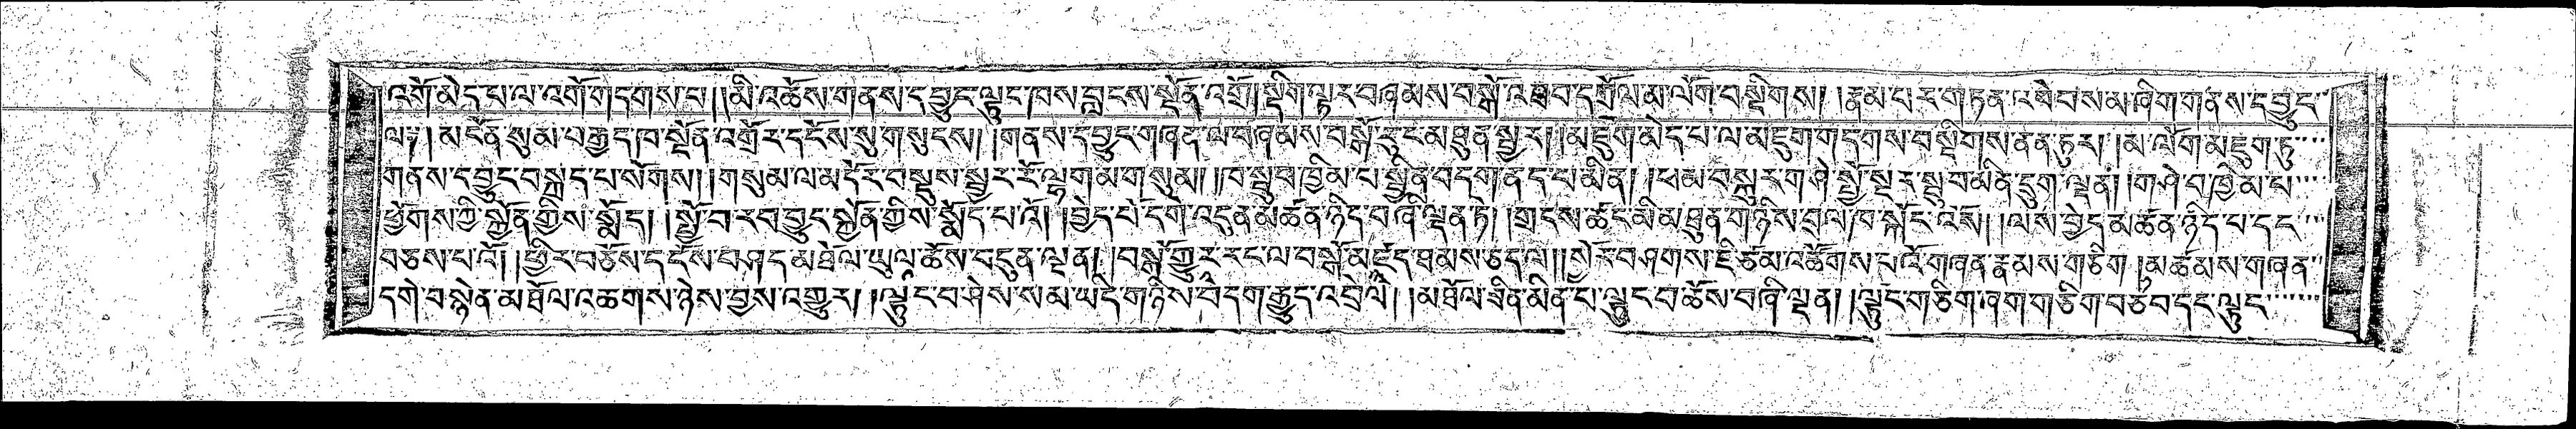འགོ་མེད་པ་ལ་འགོ་གདགས་པ། །མི་འཆོས་གནས་དབྱུང་ལྟུང་ཁས་བླངས་སྡོན་འགྲོ་།སྡིག་ལྟར་བཞམས་བསྒོ་འཐབ་དཀྲོལ་མ་ལོག་བསྡིགས། །རྣམ་པར་གཏན་འབེབས་མ་ཞིག་གནས་དབྱུང་
ལ༑ །མངོན་སུམ་བརྒྱད་ཁ་སྔོན་འགྲོར་དངོས་སུ་གསུངས། །གནས་དབྱུང་གཞན་ལ་བཞམས་བསྒོ་རུང་མཐུན་སྦྱར། །མཇུག་མེད་པ་ལ་མཇུག་གདགས་བསྡིགས་ནན་ཏུར། །མ་ལོག་མཇུག་ཏུ་
གནས་དབྱུང་བསྐྲད་པ་སོགས། །གསུམ་ལ་མདོར་བསྡུས་སྦྱར་རོ་ལྷག་མ་གསུམ། །ཁ་སྦུབ་ཁྱིམ་པ་སྦྱིན་བདག་ནད་པ་མིན། །ཕམ་བསྐུར་གཤེ་སྤྱོ་སྔར་སྦུབ་མིན་དྲུག་ལྡན། །གཤེ་བ་ཁྱིམ་པ་
ཕྱོགས་ཀྱི་སྐྱོན་གྱིས་སྨོད། །སྤྱོ་བ་རབ་བྱུང་སྐྱོན་གྱིས་སྨོད་པ་འོ། །བྱེད་པོ་དགེ་འདུན་མཚན་ཉིད་བཞི་ལྡན་ཏེ། །གྲངས་ཚང་མི་མཐུན་གཉིས་བྲལ་ཁ་སྐོང་འོས། །ལས་བྱེད་མཚན་ཉིད་པ་དང་
བཅས་པ་འོ། །ཕྱིར་བཅོས་དངོས་བཤད་མཐོལ་ཡུལ་ཆོས་བདུན་ལྡན། །བསྒོ་གྱུར་རང་ལ་བསྒོ་མཛད་ཐམས་ཅད་ལ། །སོར་བཤགས་ཇི་ཙམ་འཚོགས་པའོ་གཞན་རྣམས་གཅིག །མཚམས་གཞན་
དགེ་བསྙེན་མཐོལ་འཆགས་ཉེས་བྱས་འགྱུར། །ལྟུང་བ་ཤེས་སམ་ཡིད་གཉིས་བདག ༢་རྒྱུད་འབྲེལ ༣། །མཐོལ་ཟིན་མིན ༤་པ་ལྟུང་བ་ཆོས་བཞི་ལྡན། །ལྟུང་གཅིག་ཞག་གཅིག་བཅབ ༡་དང་ལྟུང་